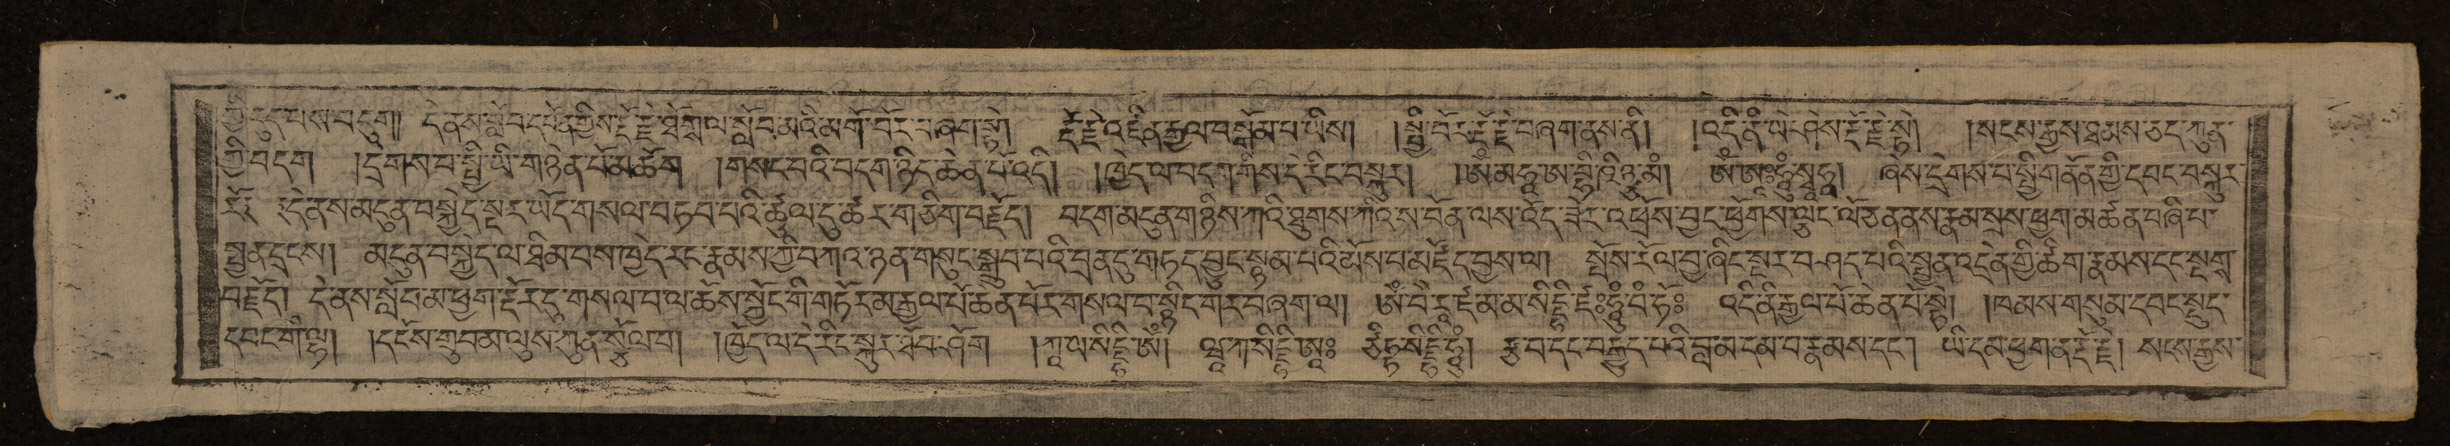ཀྱི་དུད་པས་བདུག། དེ་ནས་སློབ་དཔོན་གྱིས་རྡོ་རྗེ་ཐོགས་ལ་སློབ་མའི་མགོ་བོར་བཞག་སྟེ། རྡོ་རྗེ་འཛིན་རྒྱལ་བསྒོམ་པ་ཡིས། །སྤྱི་བོར་རྡོ་རྗེ་བཞག་ནས་ནི། །འདི་ནི་ཡེ་ཤེས་རྡོ་རྗེ་སྟེ། །སངས་རྒྱས་ཐམས་ཅད་ཀུན་
གྱི་བདག །དྲེགས་པ་སྤྱི་ཡི་གཉེན་པོ་མཆོག །གསང་བའི་བདག་ཉིད་ཆེན་པོ་འདི། །ཁྱེད་ལ་བདག་གིས་དེ་རིང་བསྐུར། །ཨོཾ་མཧཱ་ཨ་བྷི་ཥིཉྩ་མཾ། ཨོཾ་ཨཱཿཧཱུཾ་སྭཱཧཱ། ཞེས་དྲེགས་པ་སྤྱི་གནོན་གྱི་དབང་བསྐུར་
རོ༑ ༑དེ་ནས་མདུན་བསྐྱེད་སྔར་ཡོད་གསལ་བཏབ་པའི་ཚུལ་དུ་ཚར་གཅིག་བརྗོད། བདག་མདུན་གཉིས་ཀའི་ཐུགས་ཀའི་ས་བོན་ལས་འོད་ཟེར་འཕྲོས་བྱང་ཕྱོགས་ལྕང་ལོ་ཅན་ནས་རྣམ་སྲས་ཕྱག་མཚན་བཞི་པ་
སྤྱན་དྲངས། མདུན་བསྐྱེད་ལ་ཐིམ་པས་ཁྱེད་རང་རྣམས་ཀྱི་བཀའ་ཉན་གསུང་སྒྲུབ་པའི་བྲན་དུ་གཏད་བྱུང་སྙམ་པའི་མོས་པ་མཛོད་བྱས་ལ། སྤོས་རོལ་བྱ་ཞིང་སྔར་བཤད་པའི་སྤྱན་འདྲེན་གྱི་ཚིག་རྣམས་དང་སྔགས་
བརྗོད། དེ་ནས་སློབ་མ་ཕྱག་རྡོར་དུ་གསལ་བ་ལ་ཆོས་སྐྱོང་གི་གཏོར་མ་རྒྱལ་པོ་ཆེན་པོར་གསལ་བ་སྙིང་གར་བཞག་ལ། ཨོཾ་བཻ་རཱཾ་ཛ་མ་མ་སིདྡྷི་ཛཿཧཱུཾ་བཾ་ཧོཿ འདི་ནི་རྒྱལ་པོ་ཆེན་པོ་སྟེ། །ཁམས་གསུམ་དབང་སྡུད་
དབང་གི་ལྷ། །དངོས་གྲུབ་མ་ལུས་ཀུན་སྩོལ་བ། །ཁྱོད་ལ་དེ་རིང་སྐུར་ཐོབ་ཤོག །ཀཱ་ཡ་སིདྡྷི་ཨོཾ། ཝཱ་ཀ་སིདྡྷི་ཨཱཿ ཙིཏྟ་སིདྡྷི་ཧཱུཾ། རྩ་བ་དང་བརྒྱུད་པའི་བླ་མ་དམ་པ་རྣམས་དང་། ཡི་དམ་ཕྱག་ན་རྡོ་རྗེ། སངས་རྒྱས་